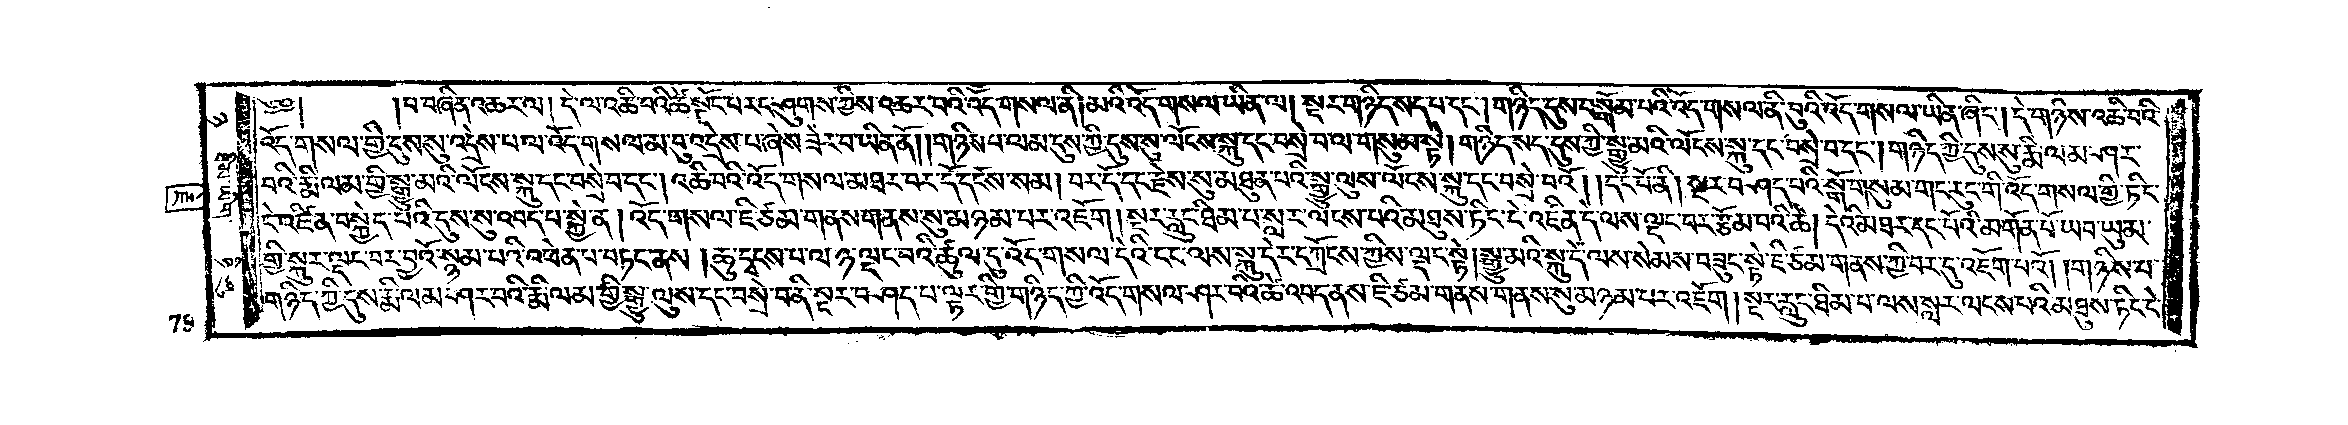༄༅། །པ་བཞིན་འཆར་ལ། དེ་ལ་འཆི་བའི་ཚེ་སྟོང་པ་རང་ཤུགས་ཀྱིས་འཆར་བའི་འོད་གསལ་ནི། མའི་འོད་གསལ་ཡིན་ལ། སྔར་གཉིད་སད་པ་དང་། གཉིད་དུས་བསྒོམ་པའི་འོད་གསལ་ནི་བུའི་འོད་གསལ་ཡིན་ཞིང་། དེ་གཉིས་འཆི་བའི་
འོད་གསལ་གྱི་དུས་སུ་འདྲེས་པ་ལ་འོད་གསལ་མ་བུ་འདྲེས་པ་ཞེས་ཟེར་བ་ཡིན་ནོ། །གཉིས་པ་ལམ་དུས་ཀྱི་དུས་སུ་ལོངས་སྐུ་དང་བསྲེ་བ་ལ་གསུམ་སྟེ། གཉིད་སད་དུས་ཀྱི་སྒྱུ་མའི་ལོངས་སྐུ་དང་བསྲེ་བ་དང་། གཉིད་ཀྱི་དུས་སུ་རྨི་ལམ་ཤར་
བའི་རྨི་ལམ་གྱི་སྒྱུ་མའི་ལོངས་སྐུ་དང་བསྲེ་བ་དང་། འཆི་བའི་འོད་གསལ་མཐར་བར་དོ་དངོས་སམ། བར་དོ་དང་རྗེས་སུ་མཐུན་པའི་སྒྱུ་ལུས་ལོངས་སྐུ་དང་བསྲེ་བའོ། །དང་པོ་ནི། སྔར་བཤད་པའི་སྒོ་གསུམ་གང་རུང་གི་འོད་གསལ་གྱི་ཏིང་
ངེ་འཛིན་བསྐྱེད་པའི་དུས་སུ་འབད་པ་སྐྱེ་ན། འོད་གསལ་ཇི་ཙམ་གནས་གནས་སུ་མཉམ་པར་འཇོག །སྔར་རླུང་ཐིམ་པ་སླར་ལངས་པའི་མཐུས་ཏིང་ངེ་འཛིན་དེ་ལས་ལྡང་བར་རྩོམ་པའི་ཚེ། དེའི་མཐར་དང་པོའི་མགོན་པོ་ཡབ་ཡུམ་
གྱི་སྐུར་ལྡང་བར་བྱའོ་སྙམ་པའི་འཕེན་པ་བཏང་ནས། ཆུ་དྭངས་པ་ལ་ཉ་ལྡང་བའི་ཚུལ་དུ་འོད་གསལ་དེའི་ངང་ལས་སྐུ་དེར་དཀྲོངས་ཀྱིས་ལྡང་སྟེ། སྒྱུ་མའི་སྐུ་དེ་ལས་སེམས་བཟུང་སྟེ་ཇི་ཙམ་གནས་ཀྱི་བར་དུ་འཇོག་པའོ། །གཉིས་པ་
གཉིད་ཀྱི་དུས་རྨི་ལམ་ཤར་བའི་རྨི་ལམ་གྱི་སྒྱུ་ལུས་དང་བསྲེ་བ་ནི་སྔར་བཤད་པ་ལྟར་གྱི་གཉིད་ཀྱི་འོད་གསལ་ཤར་བའི་ཚེ་འབད་ནས་ཇི་ཙམ་གནས་གནས་སུ་མཉམ་པར་འཇོག །སྔར་རླུང་ཐིམ་པ་ལས་སླར་ལངས་པའི་མཐུས་ཏིང་ངེ་